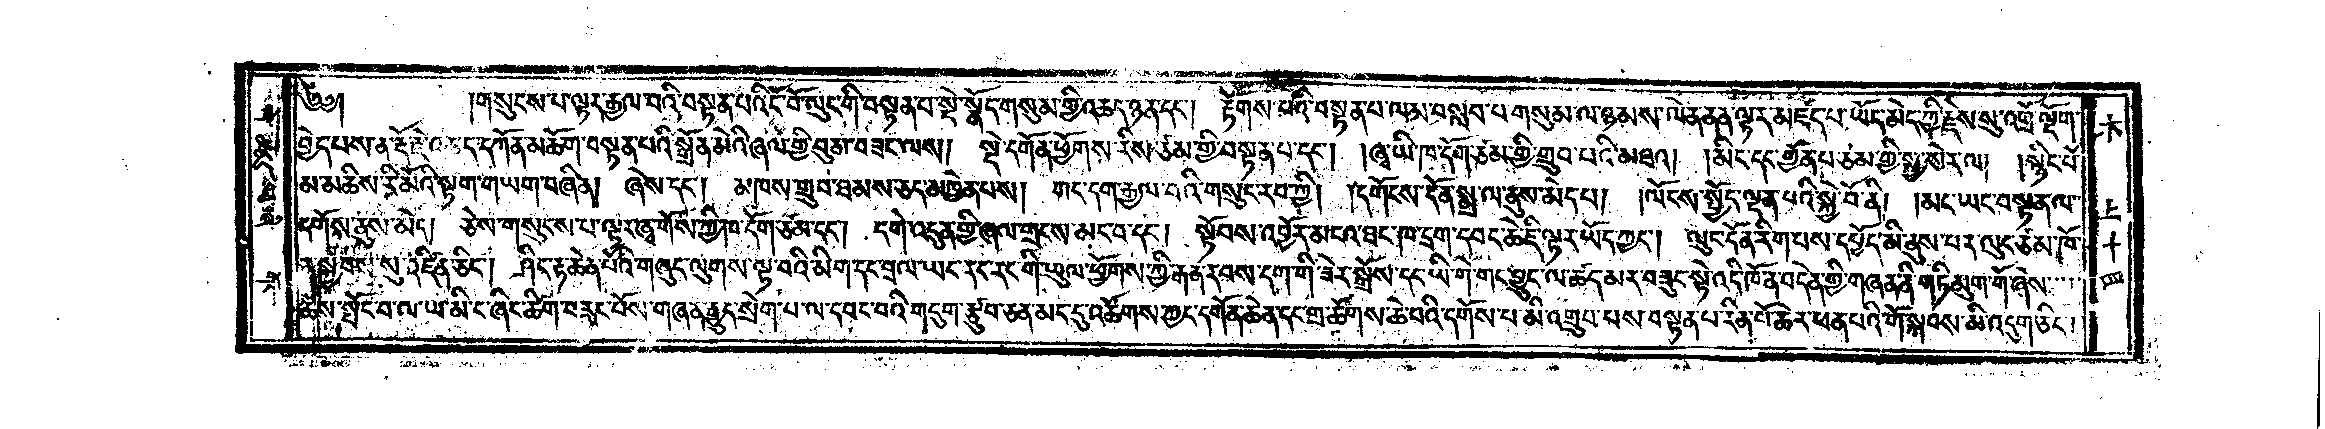༄༅། །གསུངས་པ་ལྟར་རྒྱལ་བའི་བསྟན་པའི་ངོ་བོ་ལུང་གི་བསྟན་པ་སྡེ་སྣོད་གསུམ་གྱི་འཆང་ཉན་དང་། རྟོགས་པའི་བསྟན་པ་ལམ་བསླབ་པ་གསུམ་ལ་ཉམས་ལེན་ནན་ལྟར་མཛད་པ་ཡོད་མེད་ཀྱི་རྗེས་སུ་འགྲོ་ལྡོག་
བྱེད་པས་ན་རྡོ་རྗེ་འཆང་དཀོན་མཆོག་བསྟན་པའི་སྒྲོན་མེའི་ཞལ་གྱི་བུམ་བཟང་ལས། སྡེ་དགོན་ཕྱོགས་རིས་ཙམ་གྱི་བསྟན་པ་དང་། །ཞྭ་ཡི་ཁ་དོག་ཙམ་གྱི་གྲུབ་པའི་མཐའ། །མིང་དང་གྱོན་པ་ཙམ་གྱི་སྐྱ་སེར་ལ། །སྙིང་པོ་
མ་མཆིས་རི་མོའི་སྟག་གཡག་བཞིན། ཞེས་དང་། མཁས་གྲུབ་ཐམས་ཅད་མཁྱེན་པས། གང་དག་རྒྱལ་བའི་གསུང་རབ་ཀྱི། །དགོངས་དོན་སྨྲ་ལ་ནུས་མེད་པ། །ལོངས་སྤྱོད་ལྡན་པའི་སྐྱེ་བོ་ནི། །མང་ཡང་བསྟན་ལ་
དགོས་ནུས་མེད། ཅེས་གསུངས་པ་ལྟར་ཞྭ་གོས་ཀྱི་ཁ་དོག་ཙམ་དང་། དགེ་འདུན་གྱི་ཞལ་གྲངས་མང་བ་དང་། སྟོབས་འབྱོར་མངའ་ཐང་ཁ་དྲག་དབང་ཆེ་ཇི་ལྟར་ཡོད་ཀྱང་། ལུང་དོན་རིག་པས་དཔྱོད་མི་ནུས་པར་ལུང་ཙམ་ཁོ་
ན་སྐྱབས་སུ་འཛིན་ཅིང་། ཤིང་རྟ་ཆེན་པོའི་གཞུང་ལུགས་ལྟ་བའི་མིག་དང་བྲལ་ཡང་རང་རང་གི་ཡུལ་ཕྱོགས་ཀྱི་རྒན་རབས་དག་གི་ཟེར་སྒྲོས་དང་ཡི་གེ་གང་བྱུང་ལ་ཚད་མར་བཟུང་སྟེ་འདི་ཁོ་ན་བདེན་གྱི་གཞན་ནི་གཏི་མུག་གོ་ཞེས་
ཆོས་སྤོང་བ་ལ་ཡ་མི་ང་ཞིང་ཚིག་བརླང་པོས་གཞན་རྒྱུད་སྲེག་པ་ལ་དབང་བའི་གདུག་རྩུབ་ཅན་མང་དུ་འཚོགས་ཀྱང་དགོན་ཆེན་དང་གྲ་ཚོགས་ཆེ་བའི་དགོས་པ་མི་འགྲུབ་པས་བསྟན་པ་རིན་པོ་ཆེར་ཕན་པའི་གོ་སྐབས་མི་འདུག་ཅིང་།